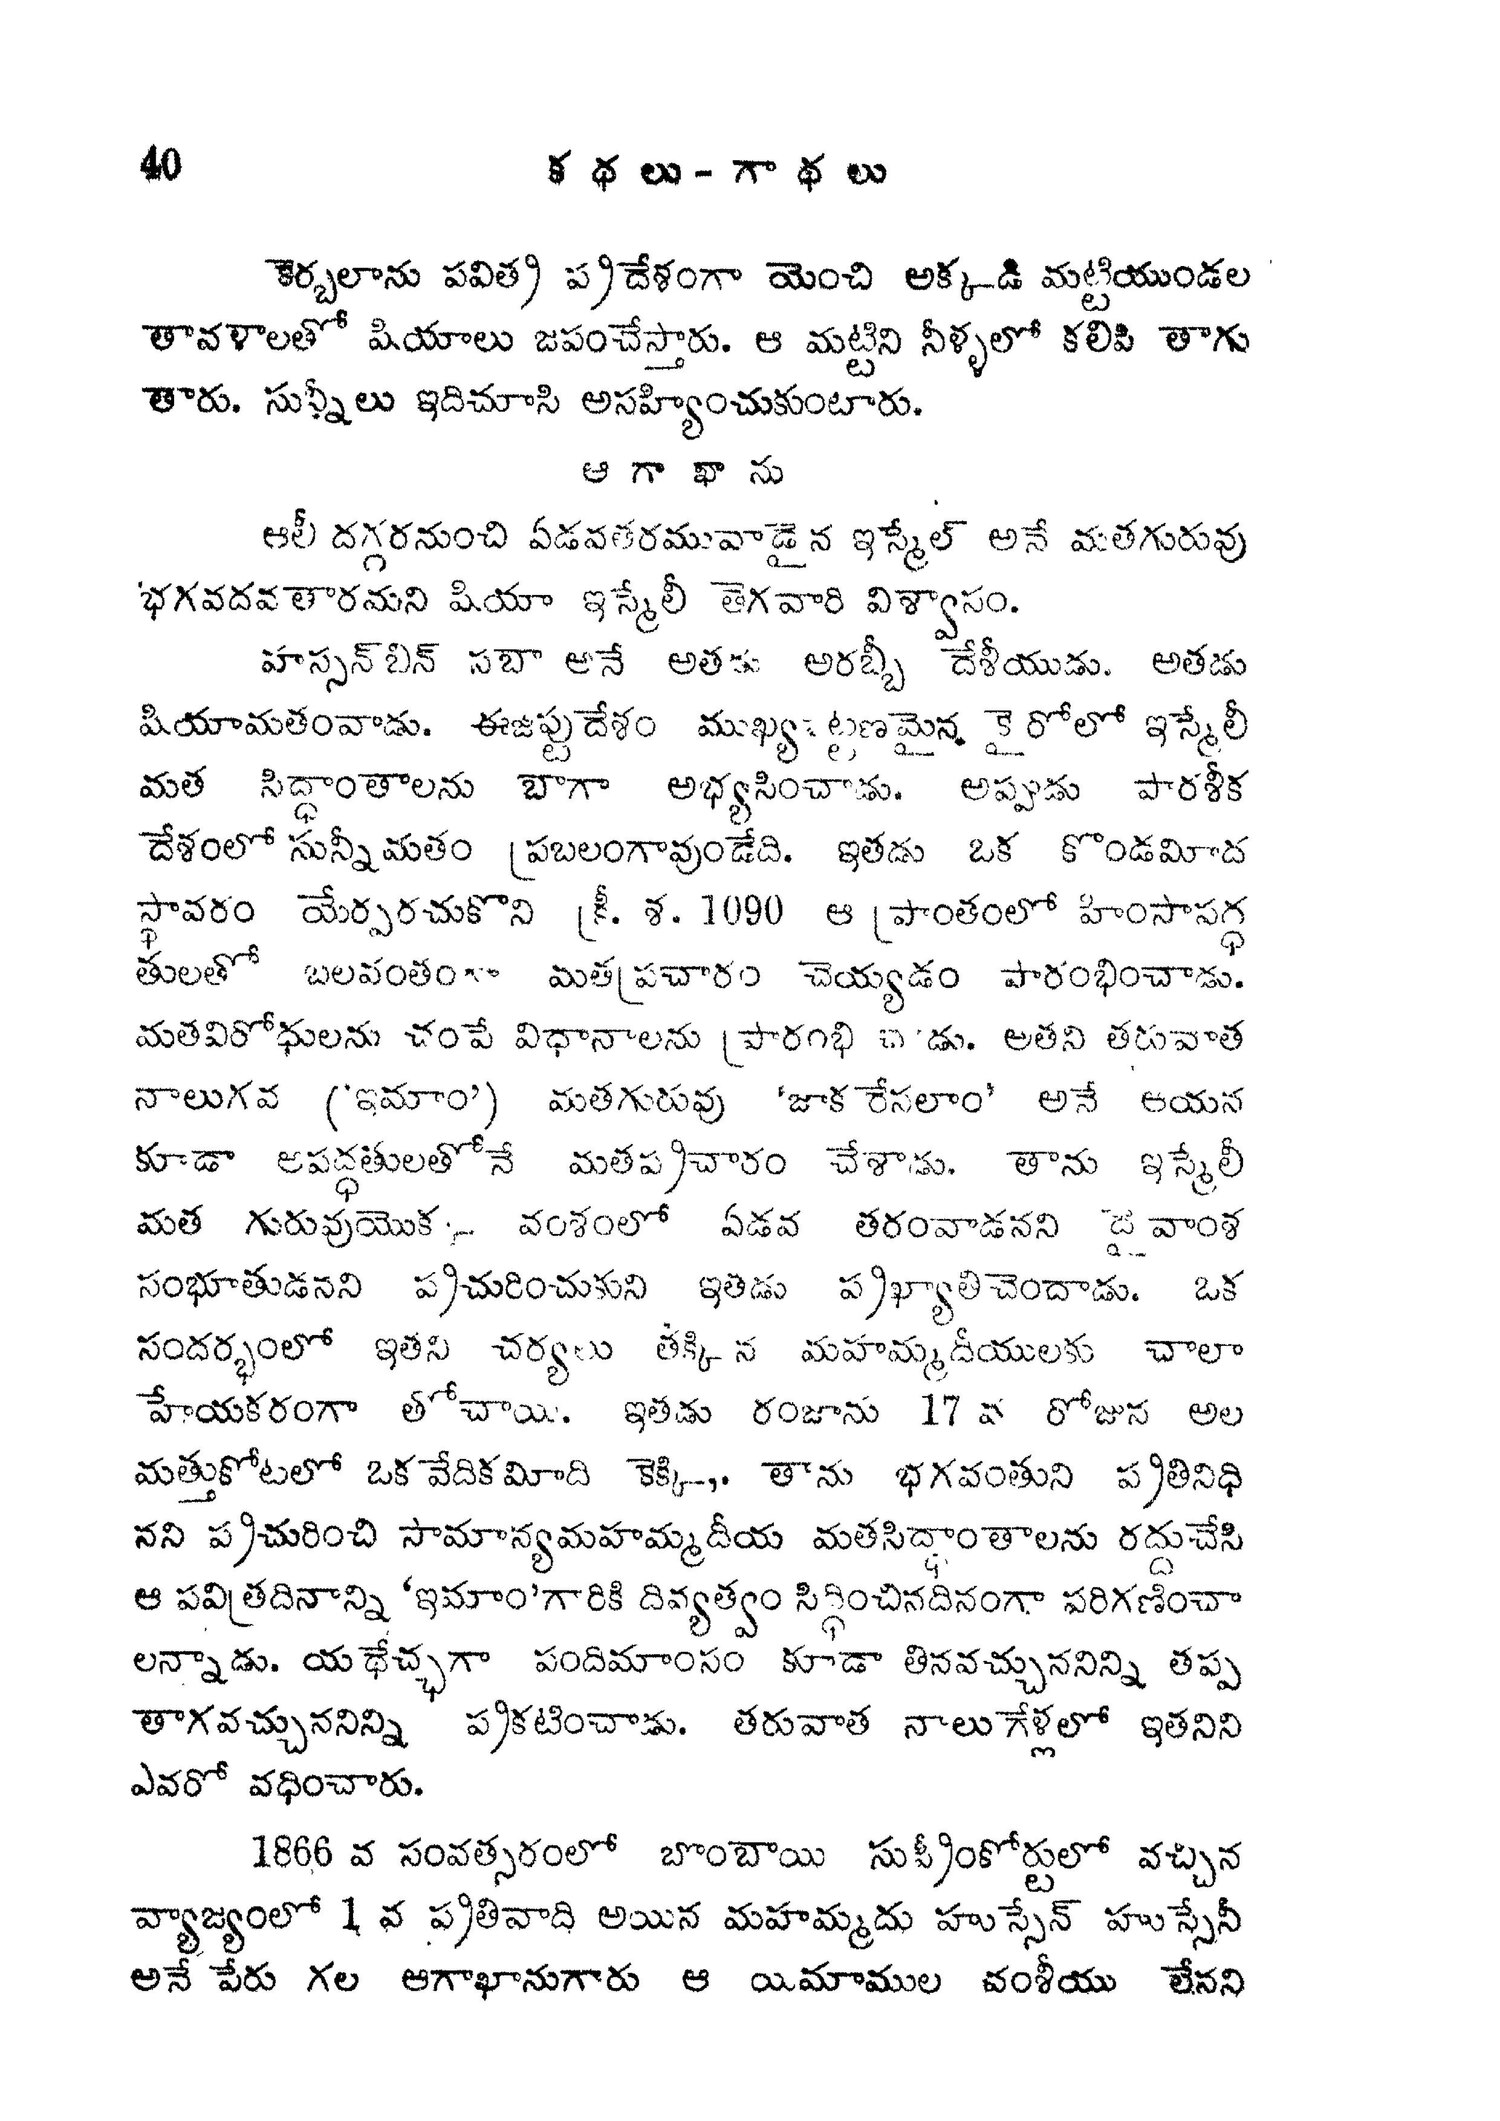కెర్బలాను పవిత్ర ప్రదేశంగా యెంచి అక్కడి మట్టియుండల తావళాలతో షియాలు జపంచేస్తారు. ఆ మట్టిని నీళ్ళలొకలిపి తాగుతారు. సున్నీలు ఇది చూసి అసహ్యించుకుంటారు.

ఆలీ దగ్గరనుంచి ఏడవతరమువాడైన ఇస్మేల్ అనే మతగురువు భగవదవ తారమని షియా ఇస్మేలీ తెగవారి విశ్వాసం.
హస్సన్ బిన్ సబా అనే అతడు అరబ్బీ దేశీయుడు. అతడు షియామతంవాడు. ఈజిప్టుదేశం ముఖ్యపట్టణమైన కైరోలో ఇస్మేలీ మత సిద్ధాంతాలను బాగా అభ్యసించాడు. అప్పుడు పారశీక దేశంలో సున్నీమతం ప్రబలంగా వుండేది. ఇతడు ఒక కొండమీద స్థావరం యేర్పరచుకొని క్రీ.శ. 1090 ఆ ప్రాంతంలో హింసాపద్దతులతో బలవంతంగా మతప్రచారం చెయ్యడం నారంభించాడు. మతవిరోధులను చంపే విధానాలను ప్రారంభించాడు. అతని తరువాత నాలుగవ ('ఇమాం ') మతగురువు 'జాకరేసలాం ' అనే ఆయన కూడా ఆపద్ధతిలోనే మతప్రచారం చేశాడు. తాను ఇస్మేలీ మత గురువుయొక్క వంశంలో ఏడవ తరంవాడనని దైవాంశసంభూతుడనని ప్రచురించుకుని ఇతడు ప్రఖ్యాతిచెందాడు. ఒక సందర్భంలో ఇతని చర్యలు తక్కిన మహమ్మదీయులకు చాలా హేయకరంగా తోచాయి. ఇతడు రంజాను 17 వ రోజున అలమత్తుకోటలో ఒక వేదికమీద కెక్కి తాను భగవంతుని ప్రతినిధి నని ప్రచురించి సామాన్య మహమ్మదీయ మతసిద్దాంతాలను రద్దుచేసి ఆ పవిత్రదినాన్ని 'ఇమాం ' గారికి దివ్యత్వం సిద్ధించినదినంగా పరిగణించాలన్నాడు. యధేచ్చగా పందిమాంసం కూడా తినవచ్చుననిన్ని తప్పతాగవచ్చుననిన్ని ప్రకటించాడు. తరువాత నాలుగేళ్ళలో ఇతనిని ఎవరో వధించారు.

1866 వ సంవత్సరంలో బొంబాయి సుప్రీంకోర్టులో వచ్చిన వ్యాజ్యంలో 1 వ ప్రతివాది అయిన మహమ్మదు హుస్సేన్ హుస్సేనీ అనే పేరు గల ఆగాఖాను గారు ఆ యిమాముల వంశీయు లేనని